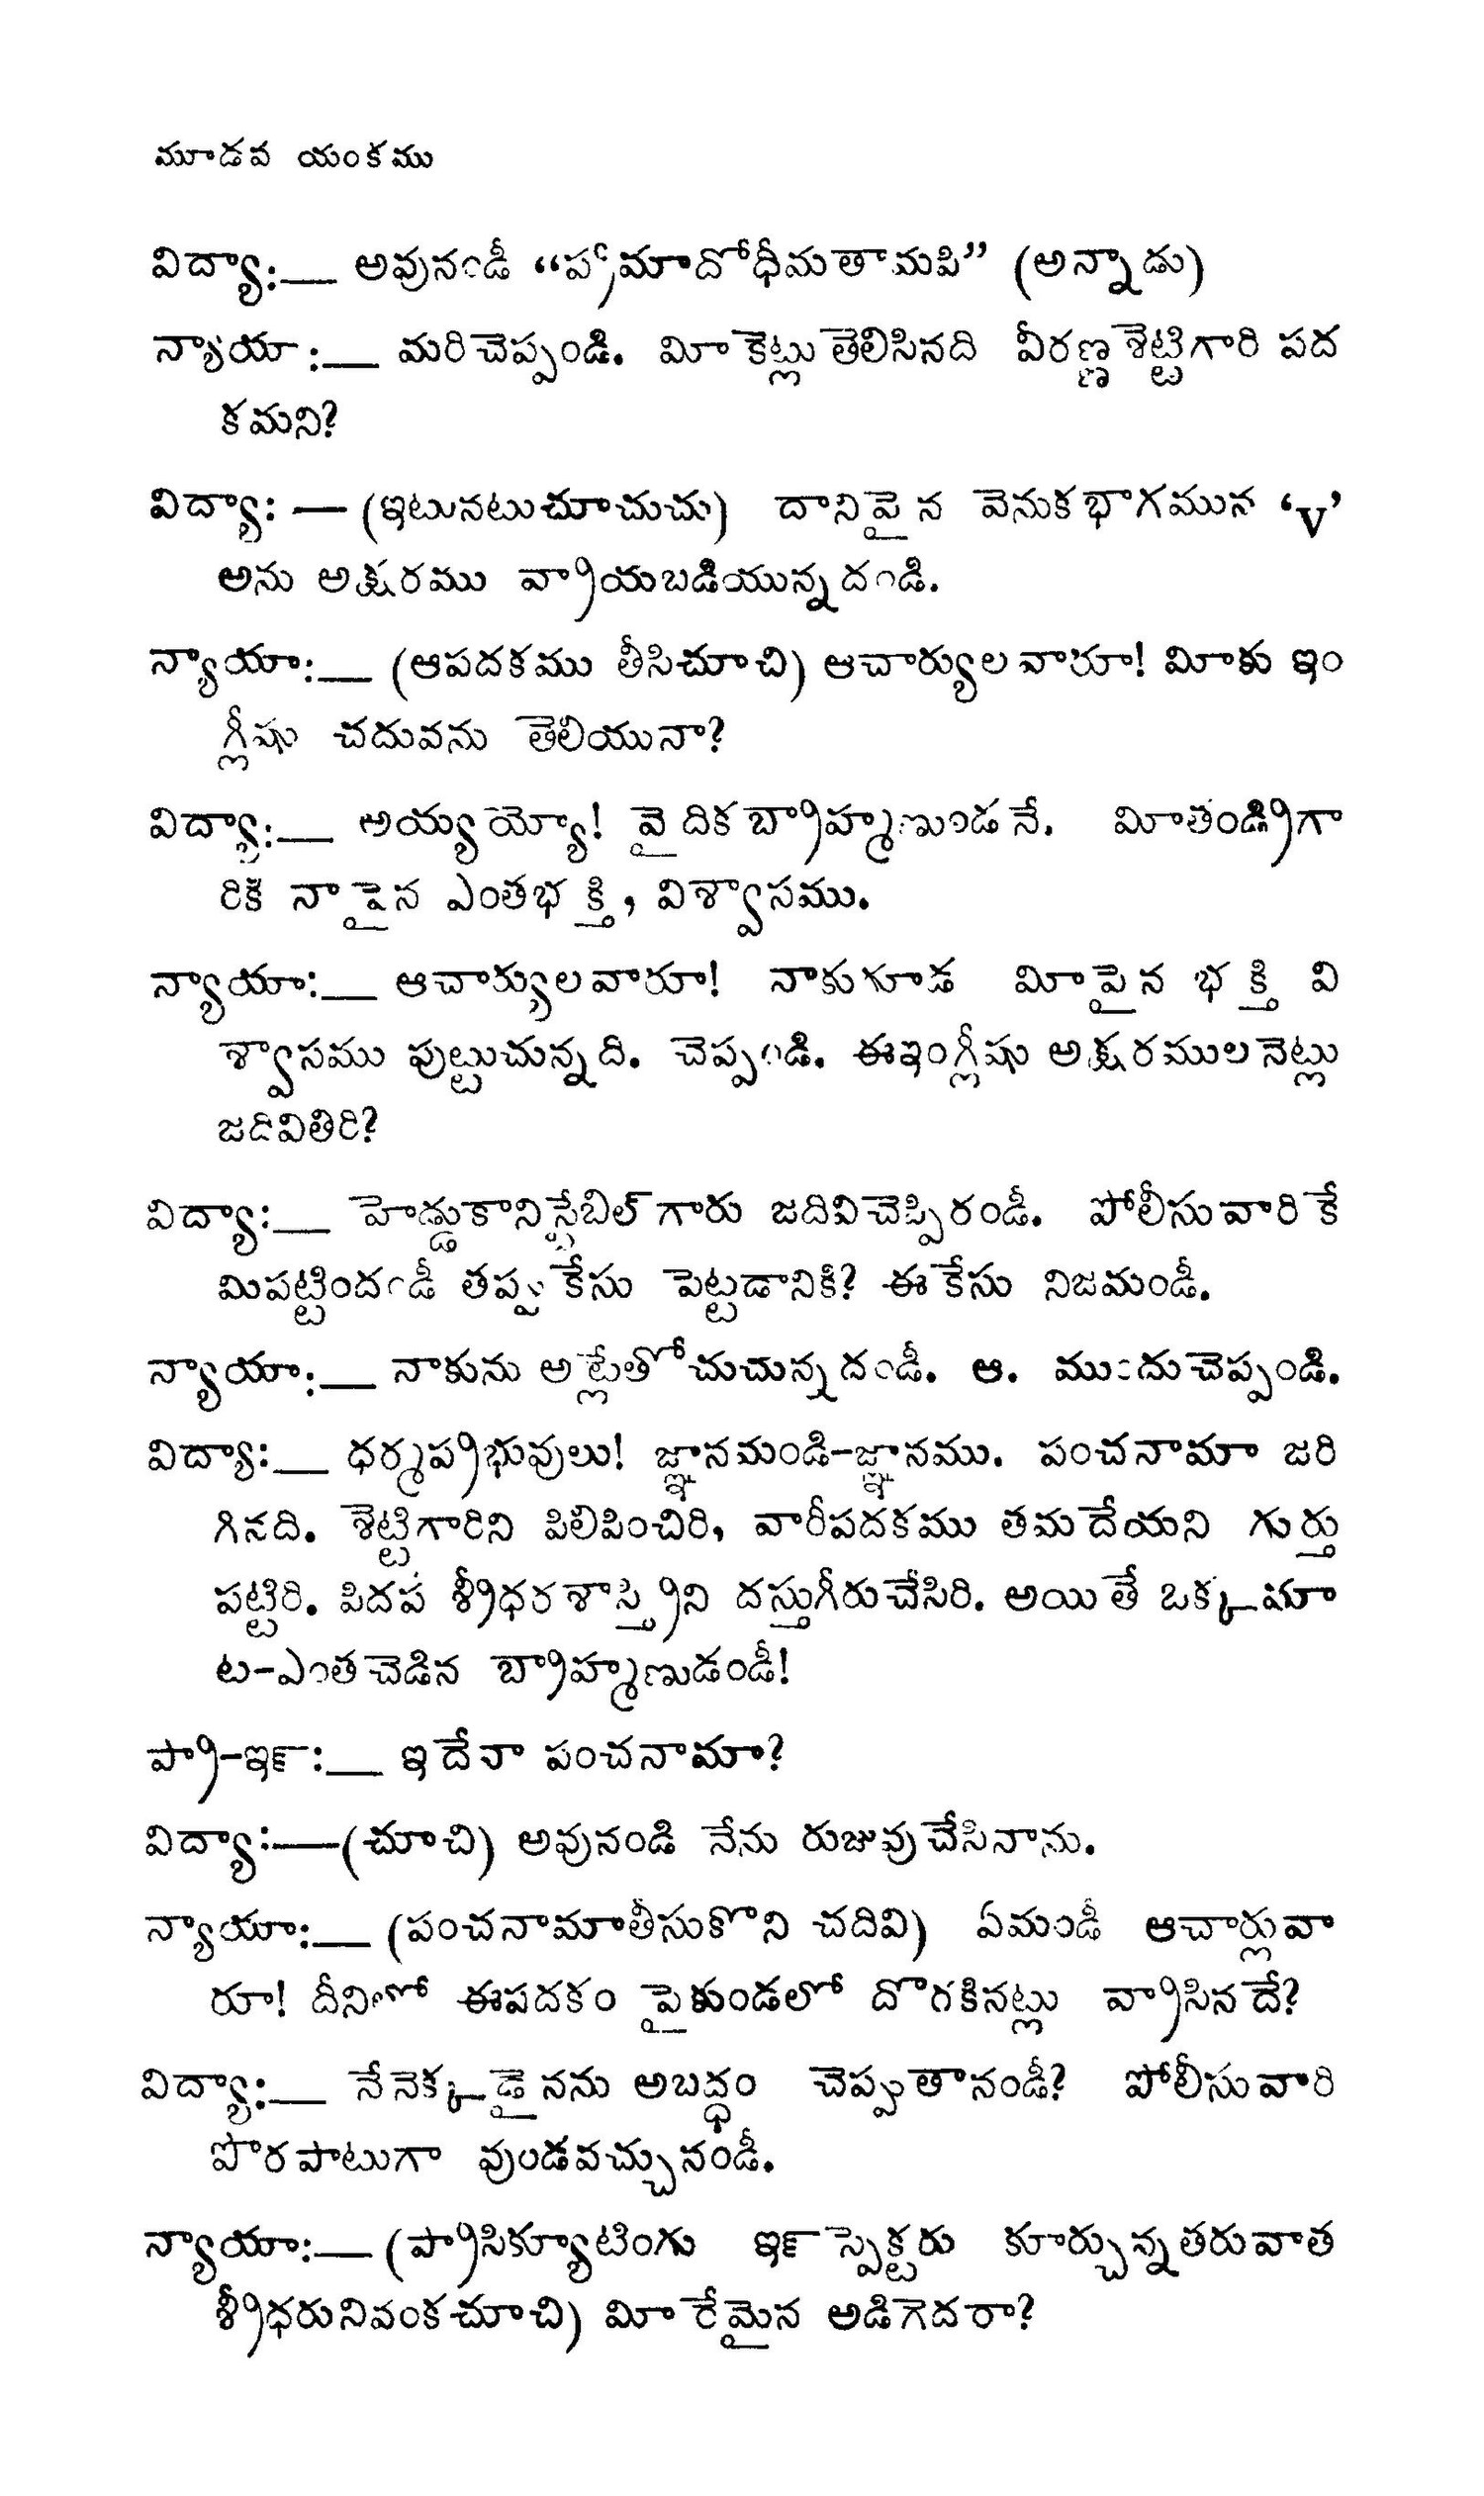విద్యా:--అవునండీ "ప్రమాదోధీమతామపి" (అన్నాడు)

న్యాయ:--మరిచెప్పండి. మీకెట్లుతెలిసినది. వీరణ్ణ శెట్టిగారి పదకమని?

విద్యా:--(ఇటునటుచూచుచు) దానిపైన వెనుకబాగమున "ళ" అను అక్షరము వ్రాయబడియున్నదండి.

న్యాయా:--(ఆపదకము తీసిచూచి) ఆచార్యులవారూ! మీకు ఇంగ్లీషు చదువను తెలియునా/

విద్యా:--అయ్యయ్యో! వైదికబ్రాహ్మణడవే. మీతండ్రిగారికి నాపైన ఎంతభక్తి, విశ్వాసము.

న్యాయా:--ఆచార్యులవారూ! నాకుగూడ మీపైన భక్తి విశ్వాసము పుట్టుచున్నది. చెప్పండి. ఈఇంగ్లీషు అక్షరములనెట్లు జదివితిరి?

విద్యా:--హెడ్డుకాస్టేబిల్ గారు జదివిచెప్పిరండీ. పోలీసువారికేమెపట్టిందండీ తప్పు కేసు పెట్టడానికి? ఈ కేసు నిజమండి. ఈ కేసు నిజమండి.

న్యాయా:--నాకును అట్లేతోచుచున్నదండీ. ఆ. ముందుచెప్పండి.

విద్యా:--ధర్మప్రభువులు! జ్ఞానమండి-జ్ఙానము. పంచనామా జరిగినది. శెట్టిగారిని పిలిపించిరి.వారీపధకము తమదేయని గుర్తుపట్టిరి. పిదప శ్రీధరశాస్త్రిని దస్తుగీరుచేసిరి. అయితే ఒక్కమాట-ఎంతచెడిన బ్రాహ్మనుడండీ!

ప్రా-ఇన్;-- ఇదేనా పంచనామా?

విద్యా:--(చూచి) అవునండి నేను రుజువుచేసినాను.

న్యాయా:--(పంచనామాతీసుకొని చదివి) ఏమండీ ఆచార్లువారూ! దీనిలో ఈపదకం పైకుండలో దొరీనట్లు వ్రాసినదే?

విద్యా:--నేనెక్కడైనను అబద్ధం చెప్పుతానండీ? పోలీసువారి పొరపాటుగా వుండవచ్చునండీ.

న్యాయా:--(ప్రాసిక్యూటింగు ఇన్ స్పెక్టరు కూర్చున్న తరువాత శ్రీధరునివంక చూచి) మీరేమైన అడిగెదరా?